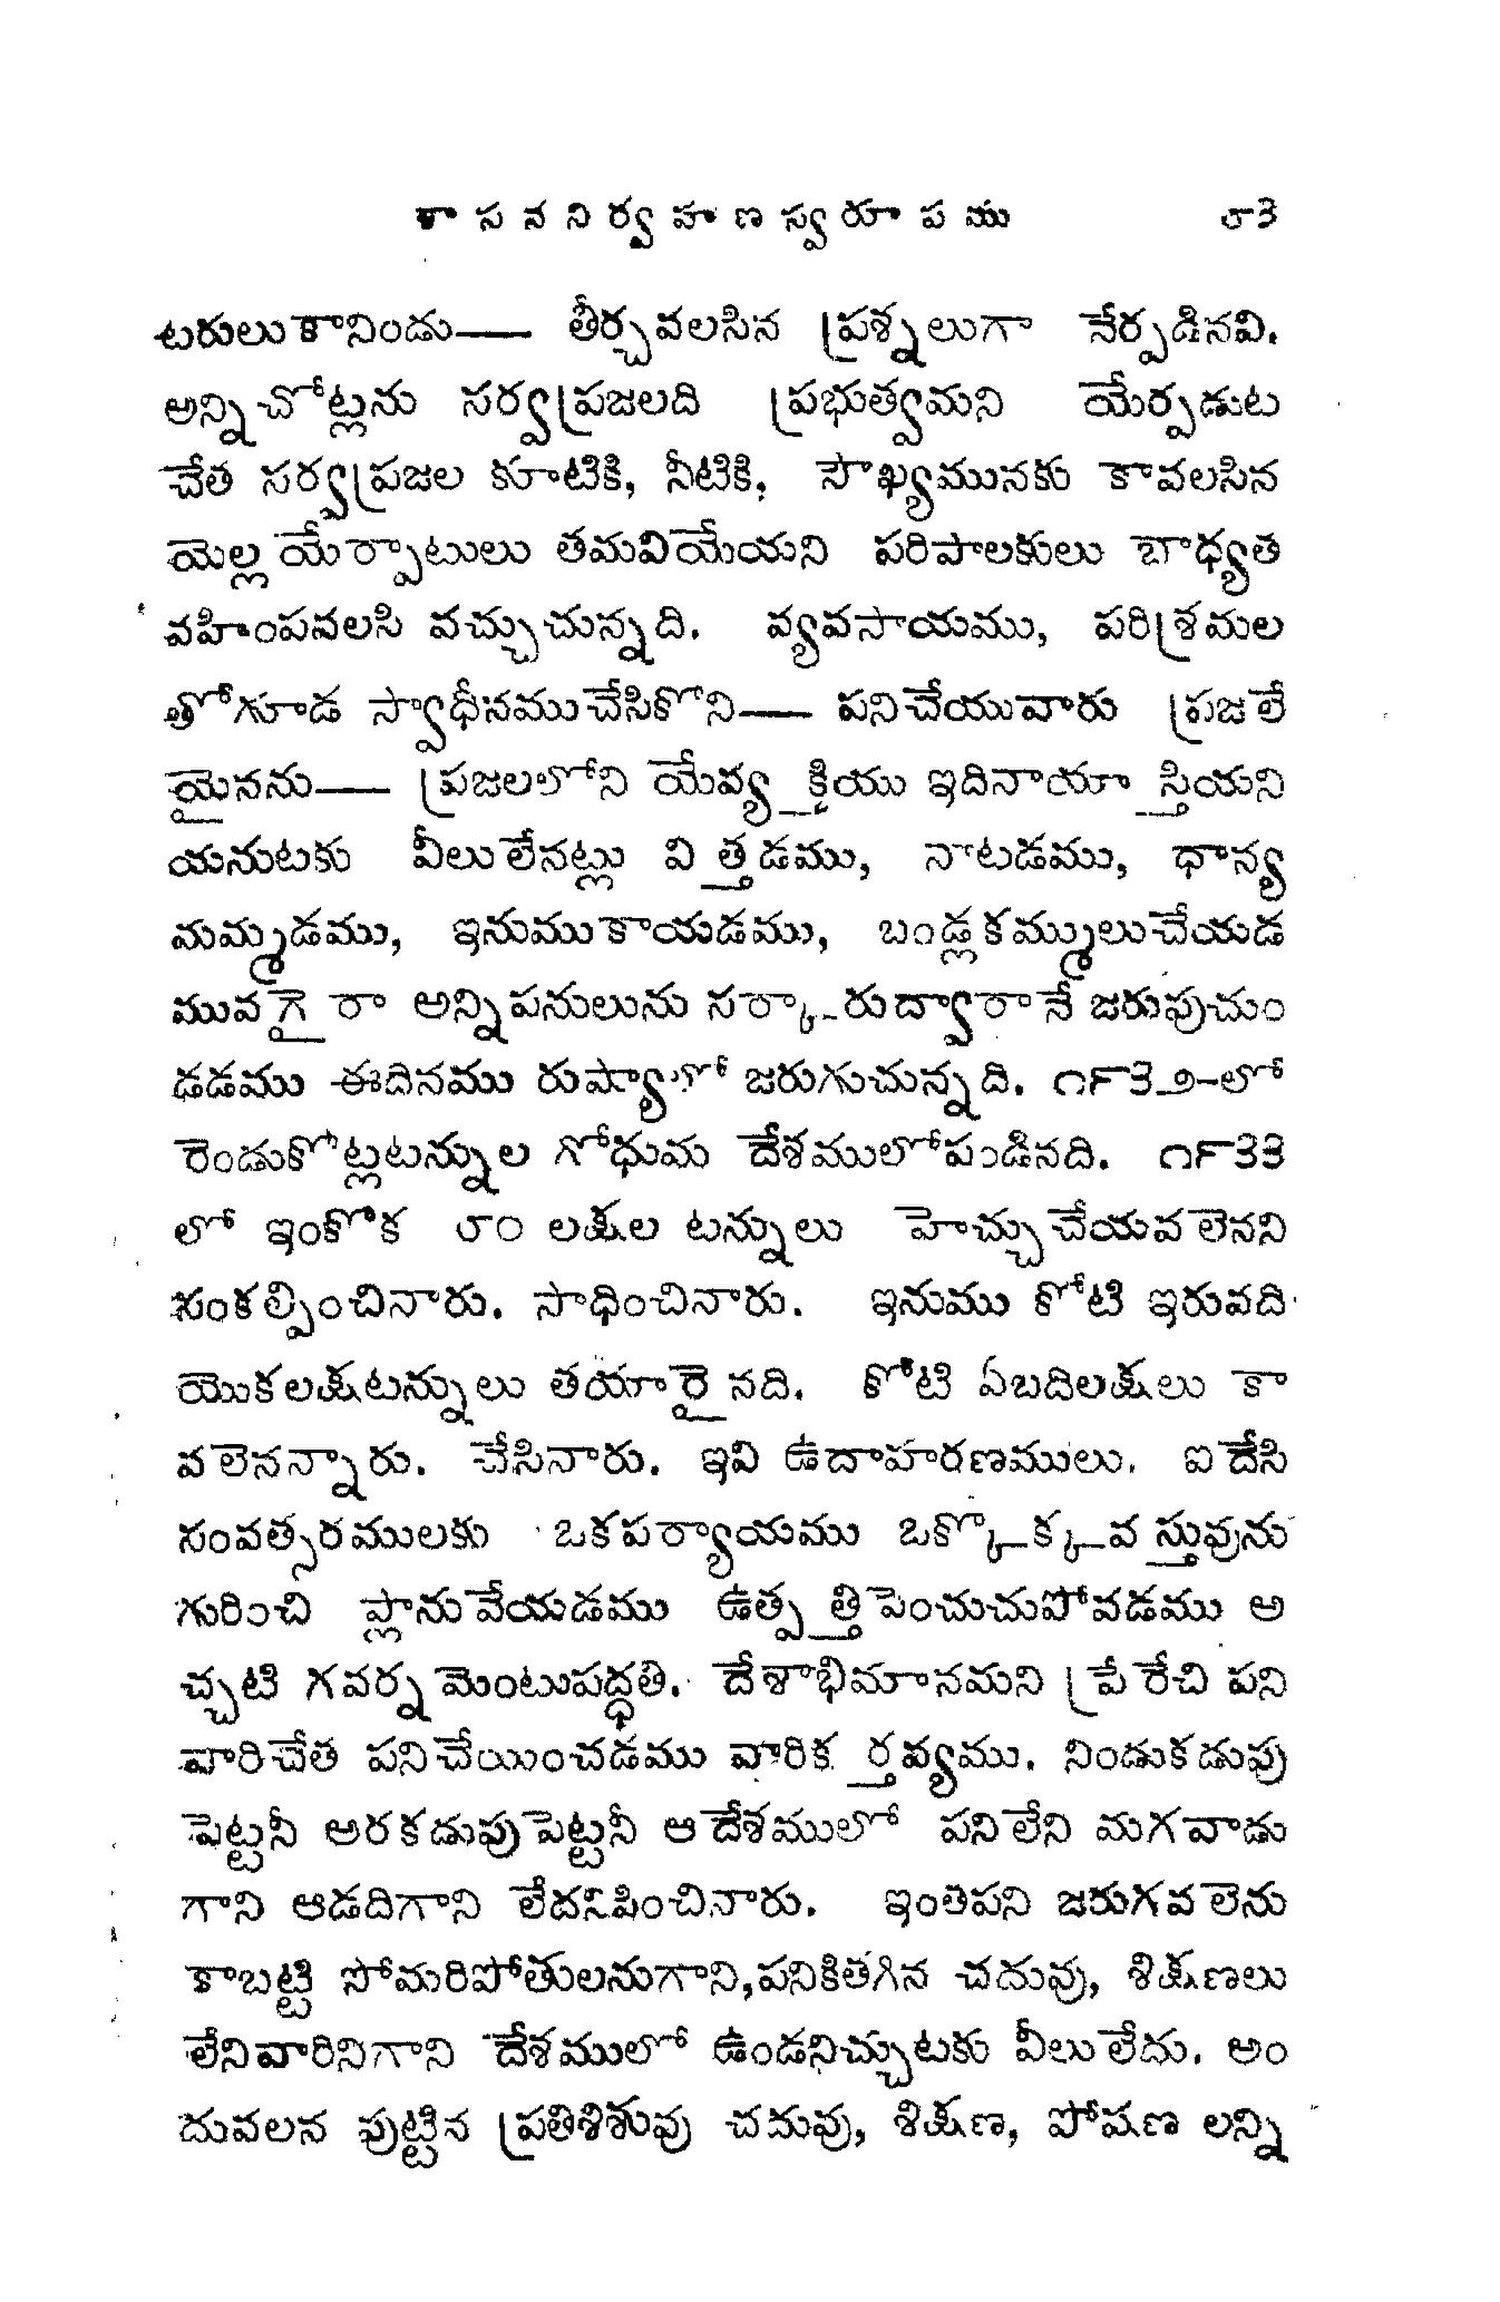టరులుకానిండు- తీర్చవలసిన ప్రశ్నలుగా నేర్పడినవి. అన్నిచోట్లను సర్వప్రజలది ప్రభుత్వమని యేర్పడుట చేత సర్వప్రజల కూటికి, నీటికి, సౌఖ్యమునకు కావలసిన యెల్లయేర్పాటులు తమవియేయని పరిపాలకులు బాధ్యత వహింపవలసి వచ్చుచున్నది. వ్యవసాయము, పరిశ్రమలతో గూడ స్వాధీనముచేసికొని — పనిచేయువారు ప్రజలే యైనను— ప్రజలలోని యేవ్యక్తియు ఇదినాయాస్తియని యనుటకు వీలులేనట్లు విత్తడము, నాటడము, ధాన్య మమ్మడము, ఇనుము కాయడము, బండ్లకమ్ములుచేయడమువగైరా అన్నిపనులును సర్కారుద్వారానే జరుపుచుండడము ఈదినము రుష్యాలో జరుగుచున్నది. 1932-లో రెండుకోట్లటన్నుల గోధుమ దేశములో పండినది. 1933
లో ఇంకొక 80 లక్షల టన్నులు హెచ్చుచేయవలెనని సంకల్పించినారు. సాధించినారు. ఇనుము కోటి ఇరువదియొకలక్షటన్నులు తయారైనది. కోటి ఏబదిలక్షలు కావలెనన్నారు. చేసినారు. ఇవి ఉదాహరణములు. ఐదేసి సంవత్సరములకు ఒకపర్యాయము ఒక్కొక్కవస్తువును గురించి ప్లాను వేయడము ఉత్పత్తి పెంచుచుపోవడము అచ్చటి గవర్నమెంటుపద్ధతి. దేశాభిమానమని ప్రేరేచి పనివారిచేత పనిచేయించడము వారికర్తవ్యము. నిండుకడుపు పెట్టనీ అరకడుపుపెట్టనీ ఆదేశములో పనిలేని మగవాడుగాని ఆడదిగాని లేదనిపించినారు. ఇంతపని జరుగవలెను కాబట్టి సోమరిపోతులనుగాని, పనికితగిన చదువు, శిక్షణలులేనివారినిగాని దేశములో ఉండనిచ్చుటకు వీలులేదు. అందువలన పుట్టిన ప్రతిశిశువు చదువు, శిక్షణ, పోషణ లన్ని